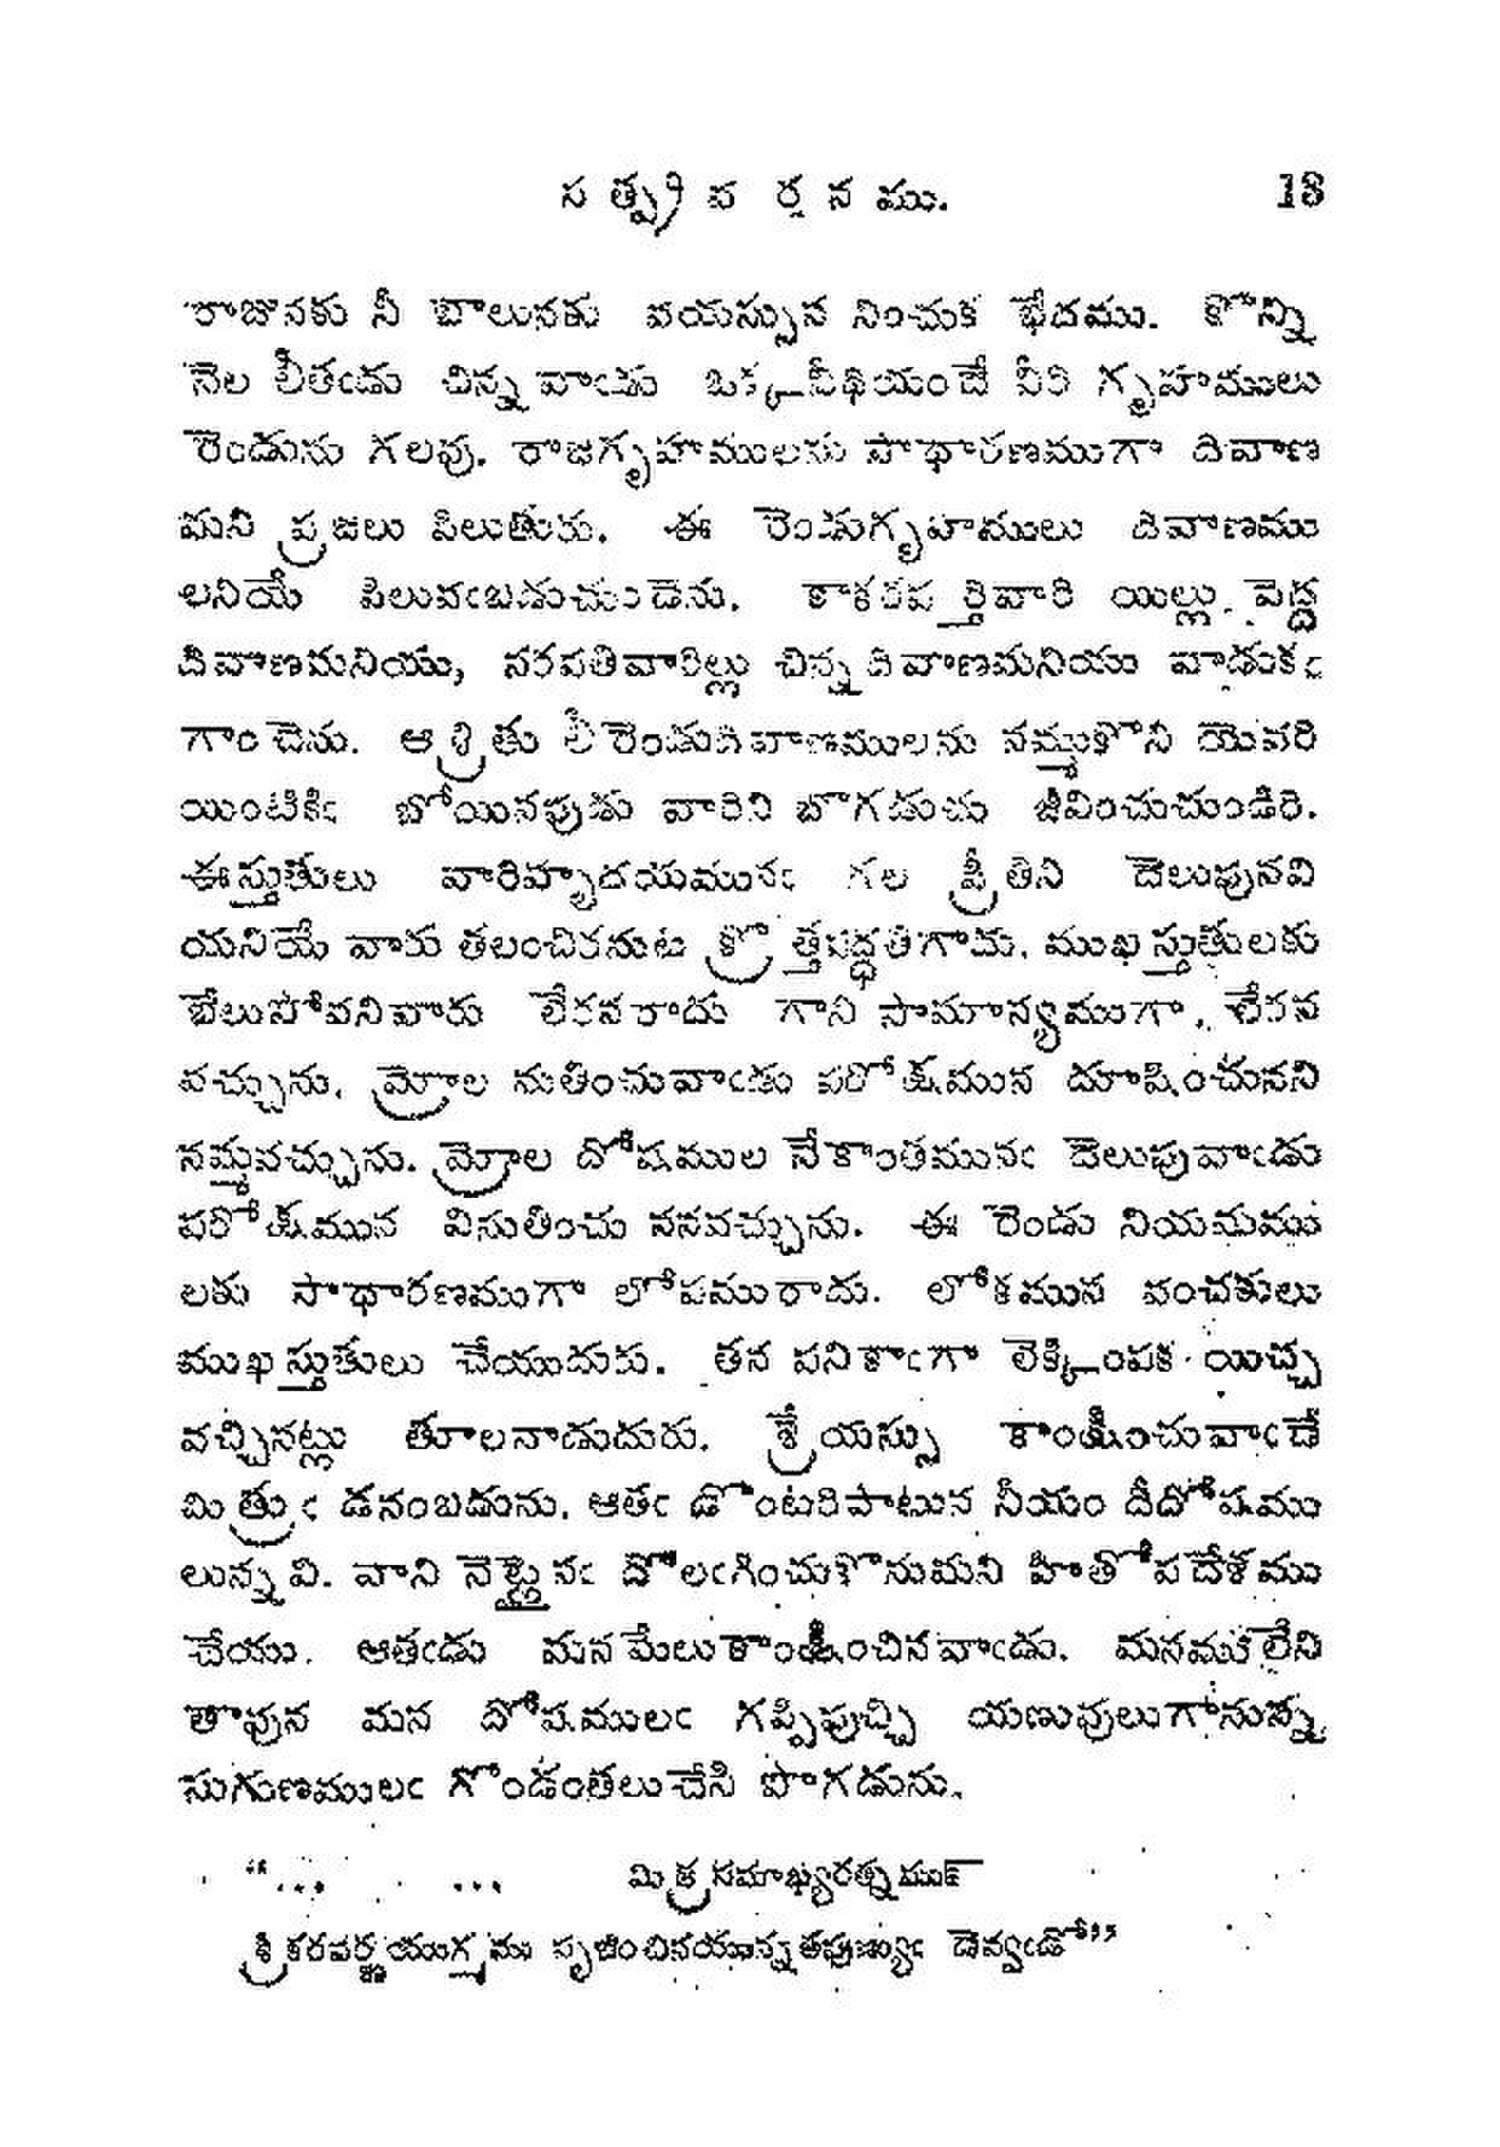"రాజునకు నీ బాలునకు వయస్సున నించుక భేదము. కొన్ని నెల లితండు చిన్న వాడు. ఒక్క వీదియందే నీ గృహములు "రెండుసు గలవు. రాజగృహములను సాధారణముగా దివాణ మని ప్రజలు పిలుతురు. ఈ రెండుగృహములు దివాణము అనియే పిలువబడుచుండెను. కాకరపర్తివారి యిల్లు. పెద్ద దివాణమనియు, నరపతివాల్లు చిన్న దివాణమనియు వాడుక గాంచెను. ఆశ్రితులు ఆ రెండు నివాములను నమ్ముకొని యెవరి యింటికి బోయినపుడు వారిని బొగడుచు జీవించుచుండిరి. ఈ స్తుతులు హరిహృదయమునం గల ప్రీతిని దెలుపునవి యనియే వారు తలంచిననుట తగద్దతి గాదు, ముఖ స్తుతులకు 'బేలుపోవని వారు లేరనకాదు గాని సామాన్యముగా, లేరన వచ్చును, మోల నుతించువాడు పరోక్షమున దూషించునని నమవచ్చును. మోల దోషముల నేకాంతమునఁ జెలుపువాఁడు పరోకమున వినుతించు ననవచ్చును. ఈ రెండు నియమము లకు సాధారణముగా లోపము రాదు. లోమున వంచకులు ముఖస్తుతులు చేయుదురు. తన పని కాగా లెక్కింపక యిచ్చ వచ్చినట్లు తూలనాడుదురు. శ్రేయస్సు కాండించువాఁడే మిత్రు డనంబడును, ఆతఁ డోంటరిపాటున నీయం దీదోషము లున్నవి. వాని నెట్టెనఁ దొలఁగించుకొనుమని హితోపదేశము "చేయు. ఆతఁడు మన మేలుకాంక్షించిన వాఁడు, మసము లేని తావున మన దోషములఁ గప్పిపుచ్చి యణువులుగా నున్న సుగుణములఁ గొండంతలు చేసి పొగడును,

.• . .. .. .. మిత్ర సమాఖ్యరత్న ముంజ్ . .. 
శ్రీకరవర్ణ యుగ ను సృజిం చినయన్న తప్పు : డెన్వండో "